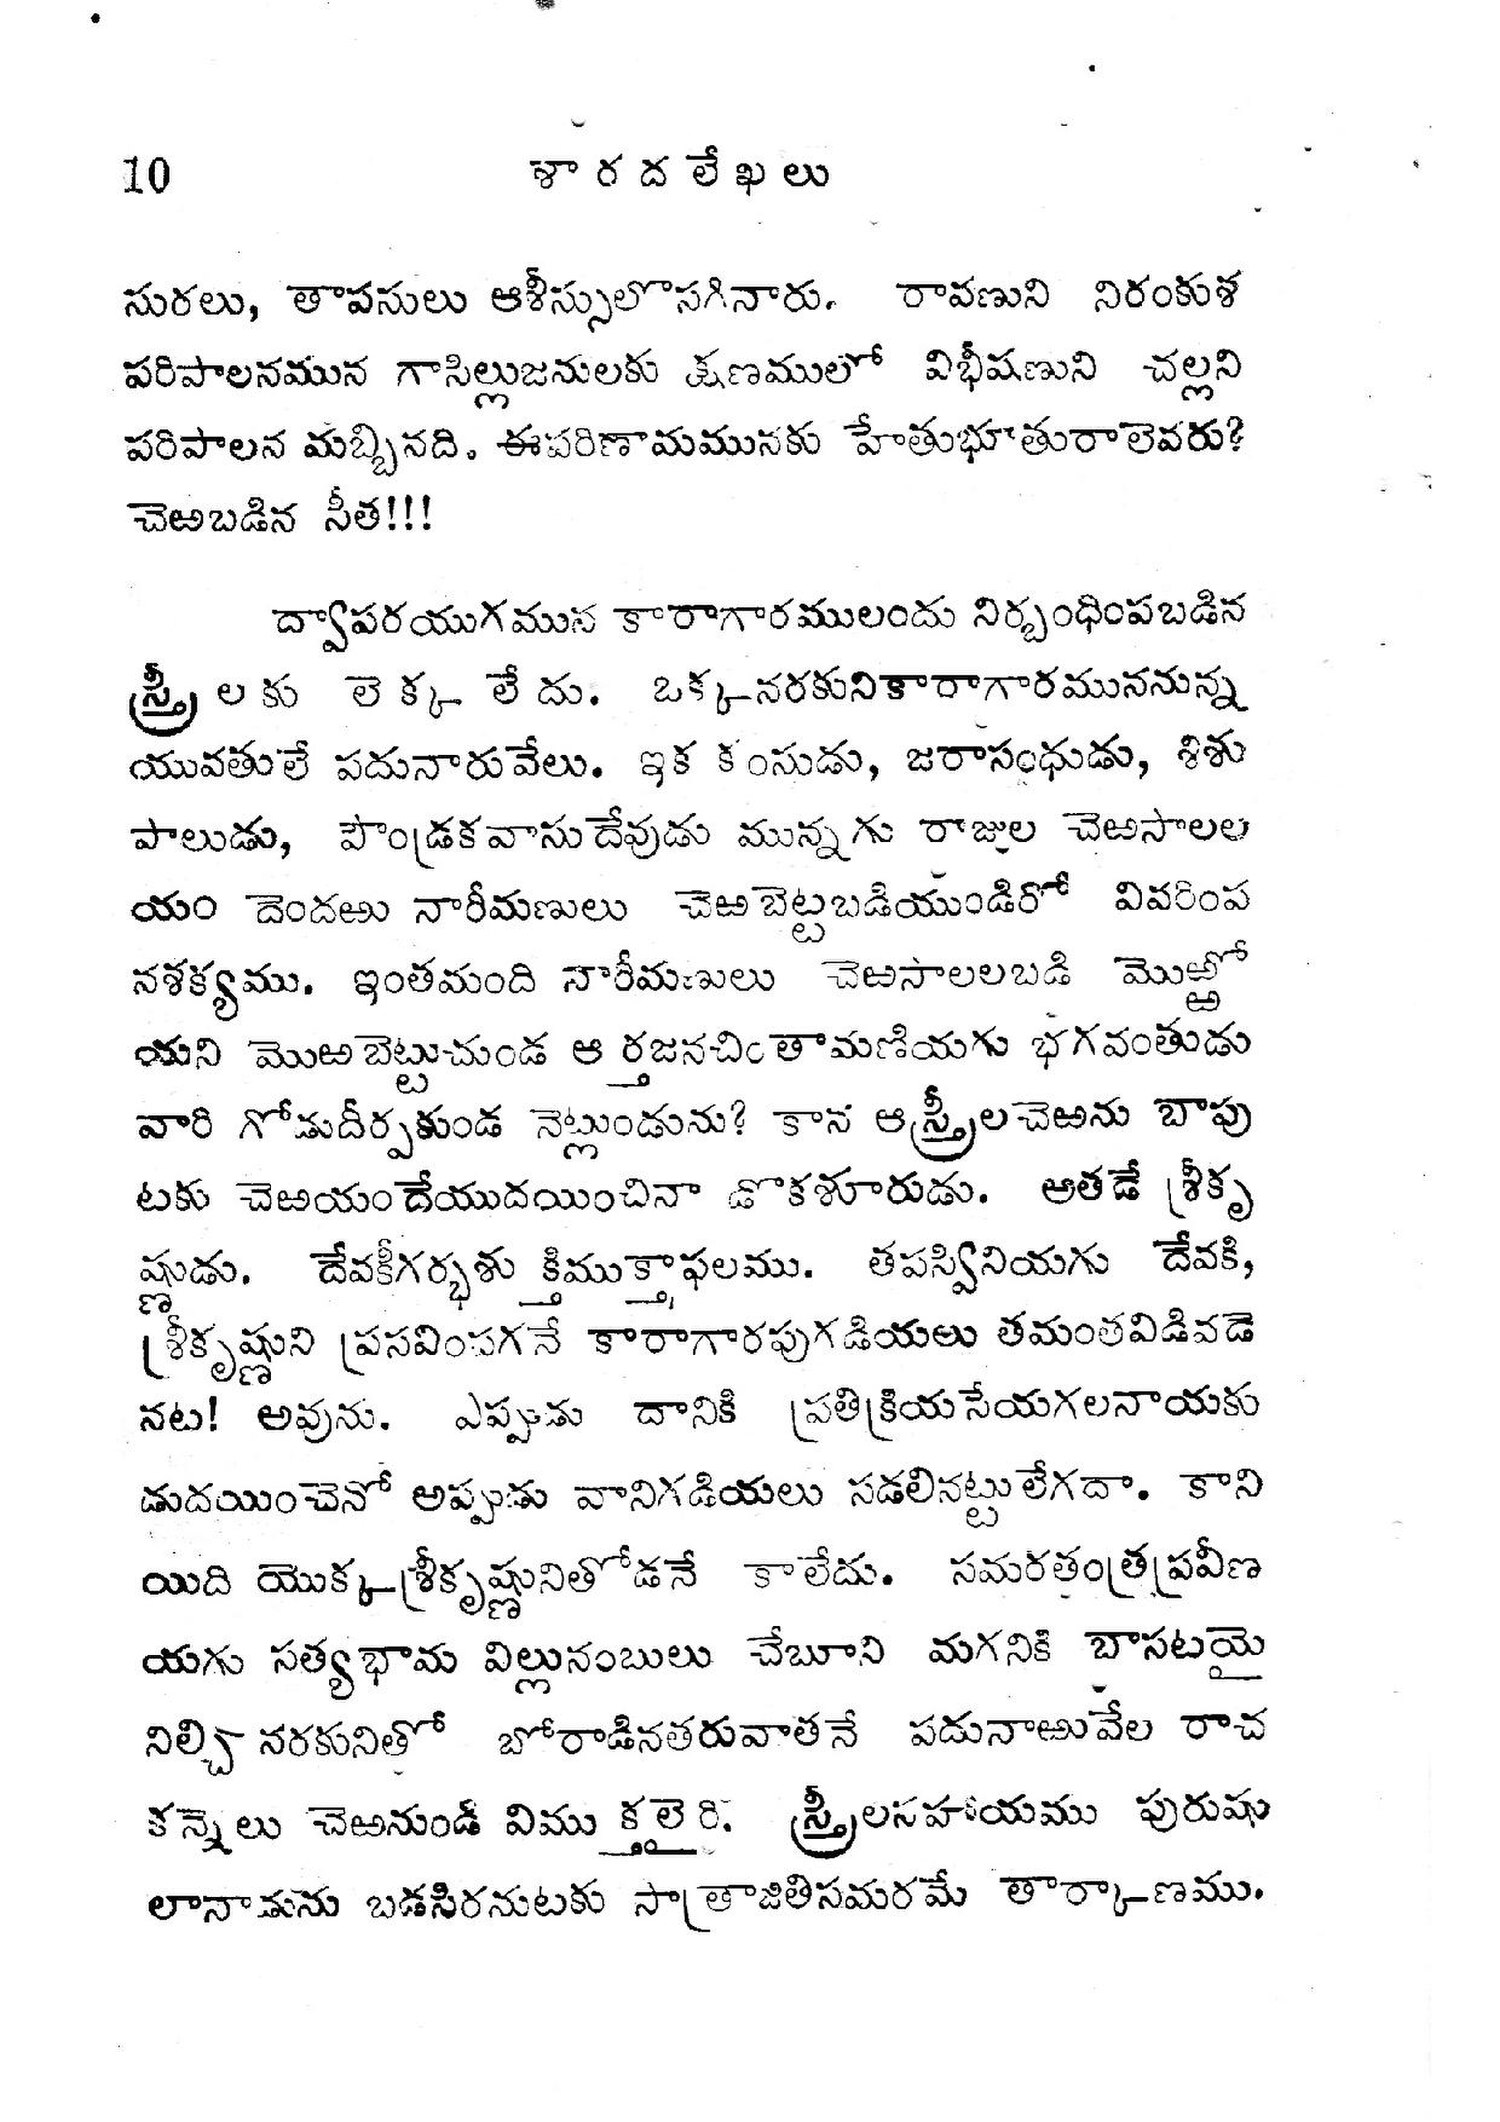10

సురలు, తాపసులు ఆశీస్సులొసగినారు. రావణుని నిరంకుశ
పరిపాలనమున గాసిల్లుజనులకు క్షణములో విభీషణుని చల్లని
పరిపాలన మబ్బినది. ఈ పరిణామమునకు హేతుభూతురాలెవరు?
చెఱబడిన సీత !!!

ద్వాపరయుగమున కారాగారములందు నిర్బంధింపబడిన
స్త్రీలకు లెక్క లేదు. ఒక్క నరకునికారాగారముననున్న
యువతులే పదునారువేలు. ఇక కంసుడు, జరాసంధుడు, శిశు
పాలుడు, పౌండ్రకవాసుదేవుడు మున్నగు రాజుల చెఱసాలల
యం దెందఱు నారీమణులు చెఱబెట్టబడియుండిరో వివరింప
నశక్యము, ఇంతమంది నారీమణులు చెఱసాలలబడి మెుఱ్ఱో 
యని మొఱబెట్టుచుండ ఆర్తజనచింతామణియగు భగవంతుడు
వారి గోడుదీర్పకుండ నెట్లుండును? కాని ఆ స్త్రీల చెఱను బాపు
టకు చెఱయం దేయుదయించినా డొకశూరుడు. అతడే శ్రీకృ
షుడు, దేవకీ గర్భశుక్తిముక్తాఫలము. తపస్వినియగు దేవకి,
శ్రీకృష్ణుని ప్రసవింపగనే కారాగారపుగడియలు తమంతవిడివడె
నట! అవును. ఎప్పుడు దానికి ప్రతిక్రియ సేయగలనాయకు
డుదయించెనో అప్పుడు వానిగడియలు సడలినట్టులేగదా. కాని
యిది యొక్క శ్రీకృష్ణునితోడనే కాలేదు. సమరతంత్రప్రవీణ
యగు సత్యభామ విల్లునంబులు చేబూని మగనికి బాసటయై
నిల్చి నరకునితోబోరాడినతరువాతనే పదునాఱువేల రాచ
కన్నెలు చెఱనుండి విముక్తలైరి. స్త్రీలసహాయము పురుషు
లానాకును బడసిరనుటకు సాత్రాజితీసమరమే తార్కాణము.